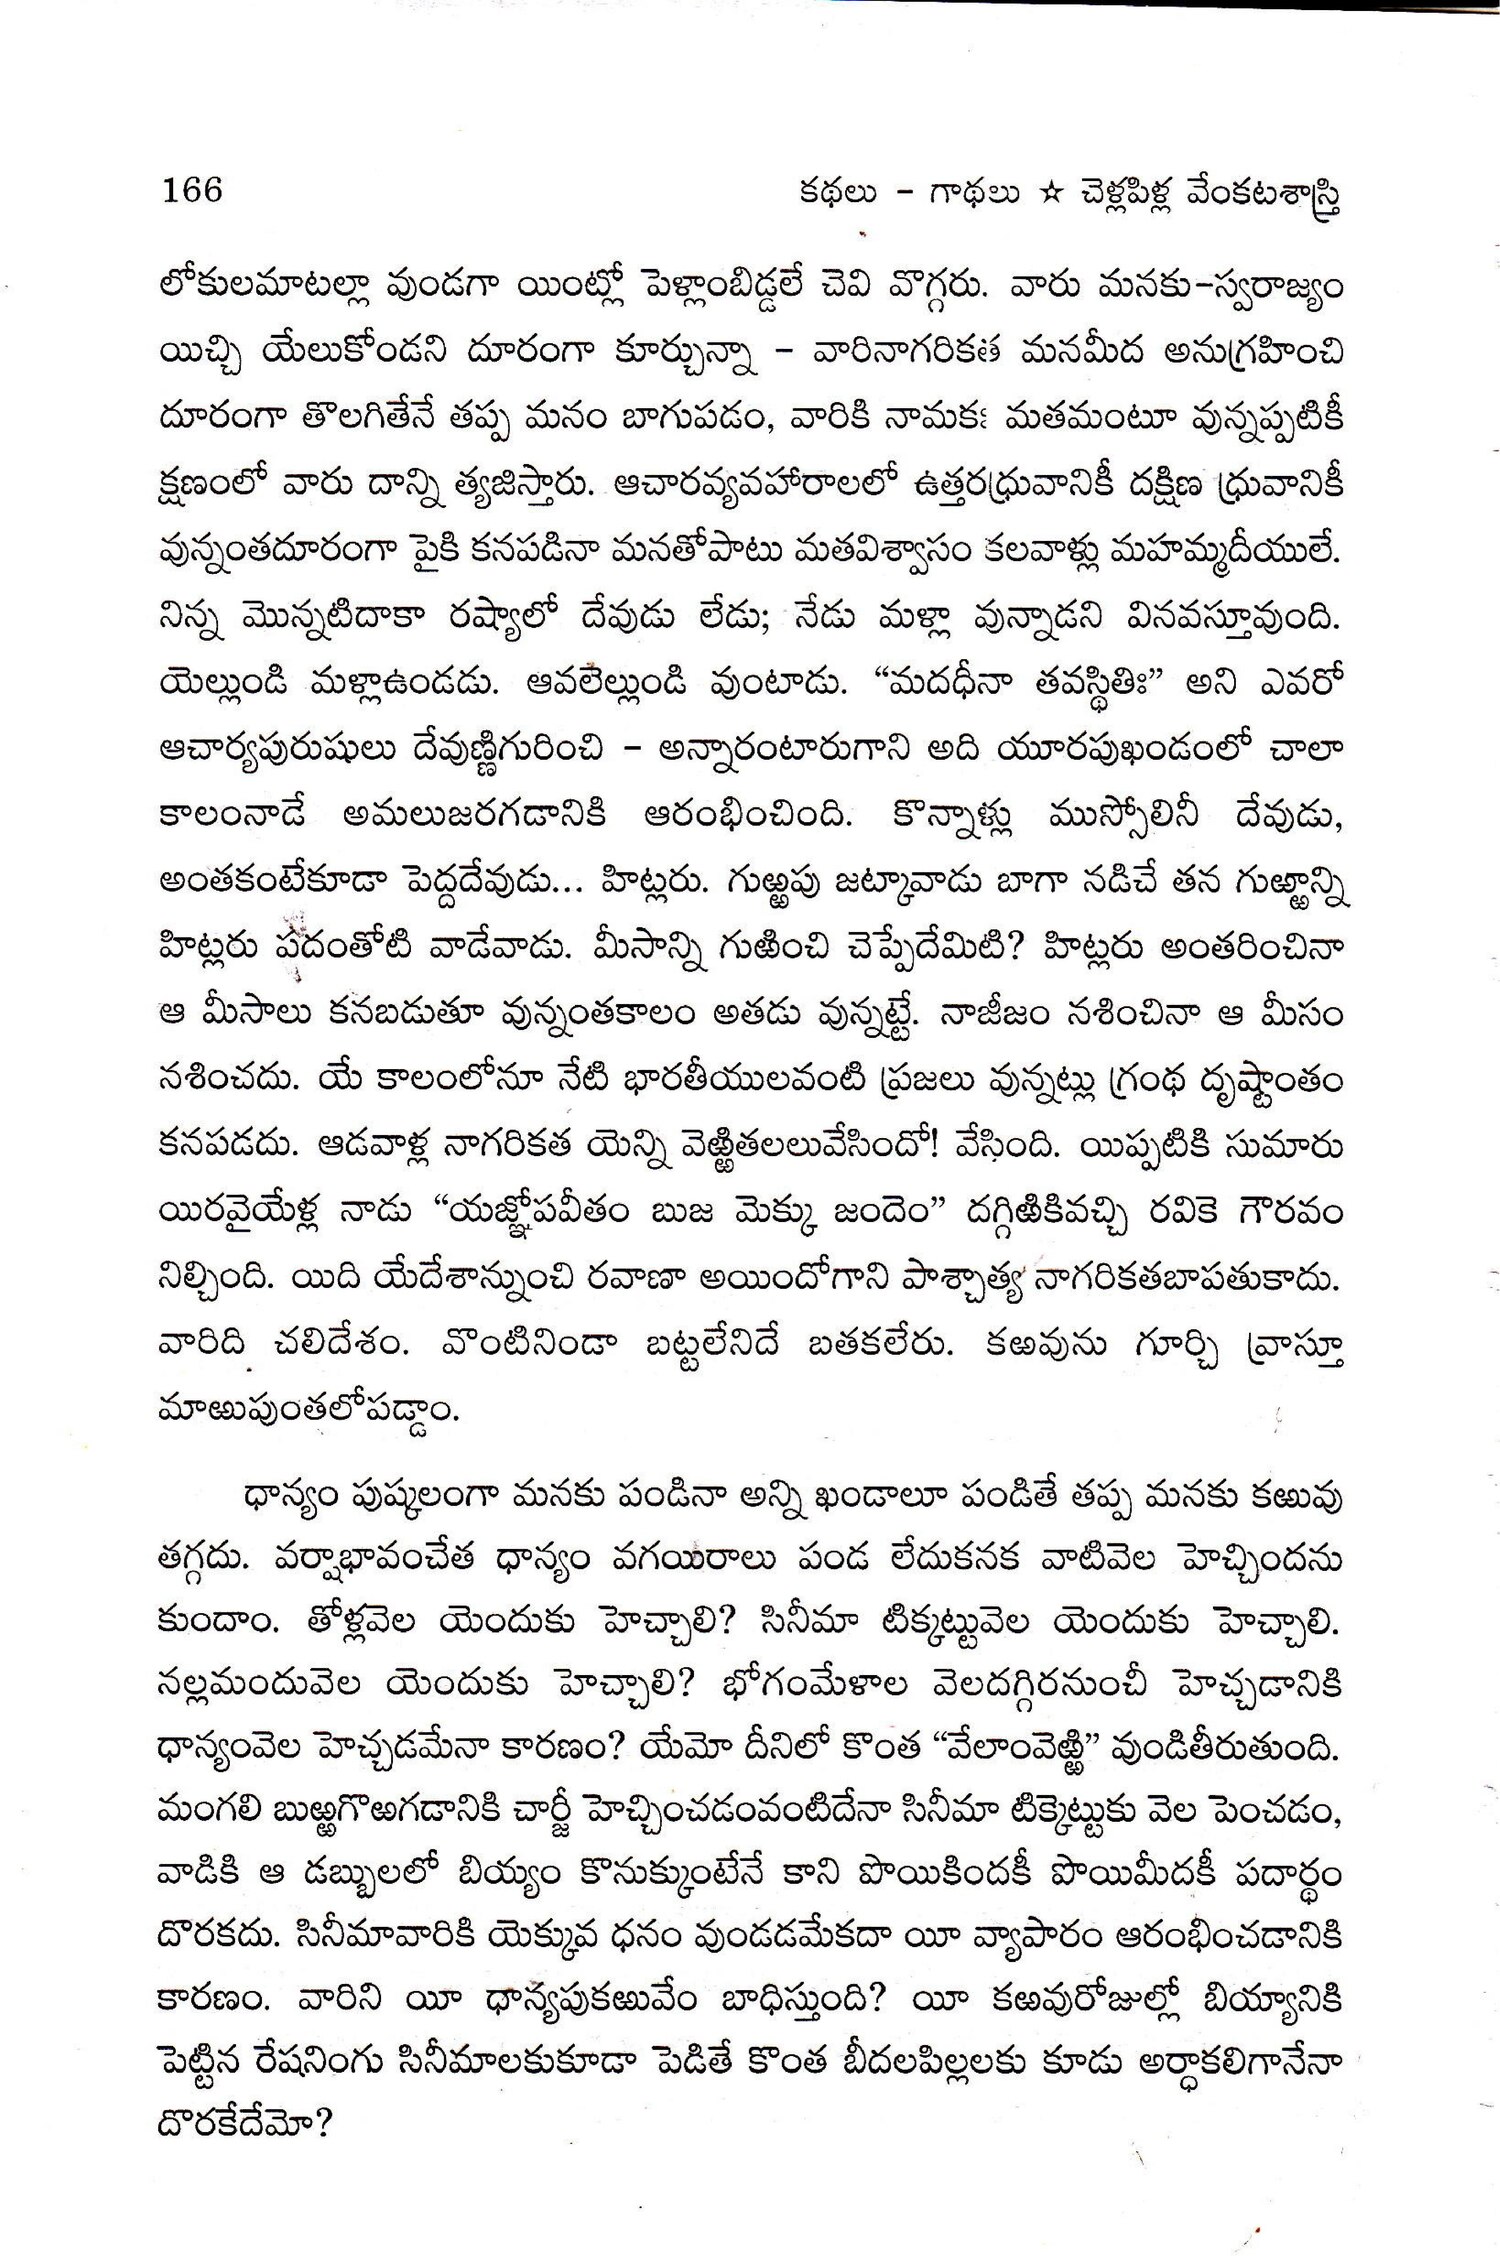లోకులమాటల్లా వుండగా యింట్లో పెళ్లాంబిడ్డలే చెవి వొగ్గరు. వారు మనకు-స్వరాజ్యం యిచ్చి యేలుకోండని దూరంగా కూర్చున్నా - వారినాగరికత మనమీద అనుగ్రహించి దూరంగా తొలగితేనే తప్ప మనం బాగుపడం, వారికి నామకః మతమంటూ వున్నప్పటికీ క్షణంలో వారు దాన్ని త్యజిస్తారు. ఆచారవ్యవహారాలలో ఉత్తరధ్రువానికీ దక్షిణ ధ్రువానికీ వున్నంతదూరంగా పైకి కనపడినా మనతోపాటు మతవిశ్వాసం కలవాళ్లు మహమ్మదీయులే. నిన్న మొన్నటిదాకా రష్యాలో దేవుడు లేడు; నేడు మళ్లా వున్నాడని వినవస్తూవుంది. యెల్లుండి మళ్లాఉండడు. ఆవలెల్లుండి వుంటాడు. "మదధీనా తవస్థితిః" అని ఎవరో ఆచార్యపురుషులు దేవుణ్ణిగురించి - అన్నారంటారుగాని అది యూరపుఖండంలో చాలా కాలంనాడే అమలుజరగడానికి ఆరంభించింది. కొన్నాళ్లు ముస్సోలినీ దేవుడు, అంతకంటేకూడా పెద్దదేవుడు. హిట్లరు. గుఱ్ఱపు జట్కావాడు బాగా నడిచే తన గుఱ్ఱాన్ని హిట్లరు పదంతోటి వాడేవాడు. మీసాన్ని గుఱించి చెప్పేదేమిటి? హిట్లరు అంతరించినా ఆ మీసాలు కనబడుతూ వున్నంతకాలం అతడు వున్నట్టే. నాజీజం నశించినా ఆ మీసం నశించదు. యే కాలంలోనూ నేటి భారతీయులవంటి ప్రజలు వున్నట్లు గ్రంథ దృష్టాంతం కనపడదు. ఆడవాళ్ల నాగరికత యెన్ని వెఱ్ఱితలలువేసిందో వేసింది. యిప్పటికి సుమారు యిరవైయేళ్ల నాడు "యజ్ఞోపవీతం బుజ మెక్కు జందెం" దగ్గిఱికివచ్చి రవికె గౌరవం నిల్చింది. యిది యేదేశాన్నుంచి రవాణా అయిందోగాని పాశ్చాత్య నాగరికతబాపతుకాదు. వారిది చలిదేశం. వొంటినిండా బట్టలేనిదే బతకలేరు. కఱవును గూర్చి వ్రాస్తూ మాఱుపుంతలోపడ్డాం.

ధాన్యం పుష్కలంగా మనకు పండినా అన్ని ఖండాలూ పండితే తప్ప మనకు కఱువు తగ్గదు. వర్షాభావంచేత ధాన్యం వగయిరాలు పండ లేదుకనక వాటివెల హెచ్చిందను కుందాం. తోళ్లవెల యెందుకు హెచ్చాలి? సినీమా టికట్టువెల యెందుకు హెచ్చాలి. నల్లమందువెల యెందుకు హెచ్చాలి? భోగంమేళాల వెలదగ్గిరనుంచీ హెచ్చడానికి ధాన్యంవెల హెచ్చడమేనా కారణం? యేమో దీనిలో కొంత "వేలాంవెఱ్ఱి" వుండితీరుతుంది. మంగలి బుఱ్ఱగొఱగడానికి చార్టీ హెచ్చించడంవంటిదేనా సినీమా టిక్కెట్టుకు వెల పెంచడం, వాడికి ఆ డబ్బులలో బియ్యం కొనుకుంటేనే కాని పొయికిందకీ పొయిమీదకీ పదార్థం దొరకదు. సినీమావారికి యెక్కువ ధనం వుండడమేకదా యీ వ్యాపారం ఆరంభించడానికి కారణం. వారిని యీ ధాన్యపుకఱువేం బాధిస్తుంది? యీ కఱవురోజుల్లో బియ్యానికి పెట్టిన రేషనింగు సినీమాలకుకూడా పెడితే కొంత బీదలపిల్లలకు కూడు అర్ధాకలిగానేనా - దొరకేదేమో?